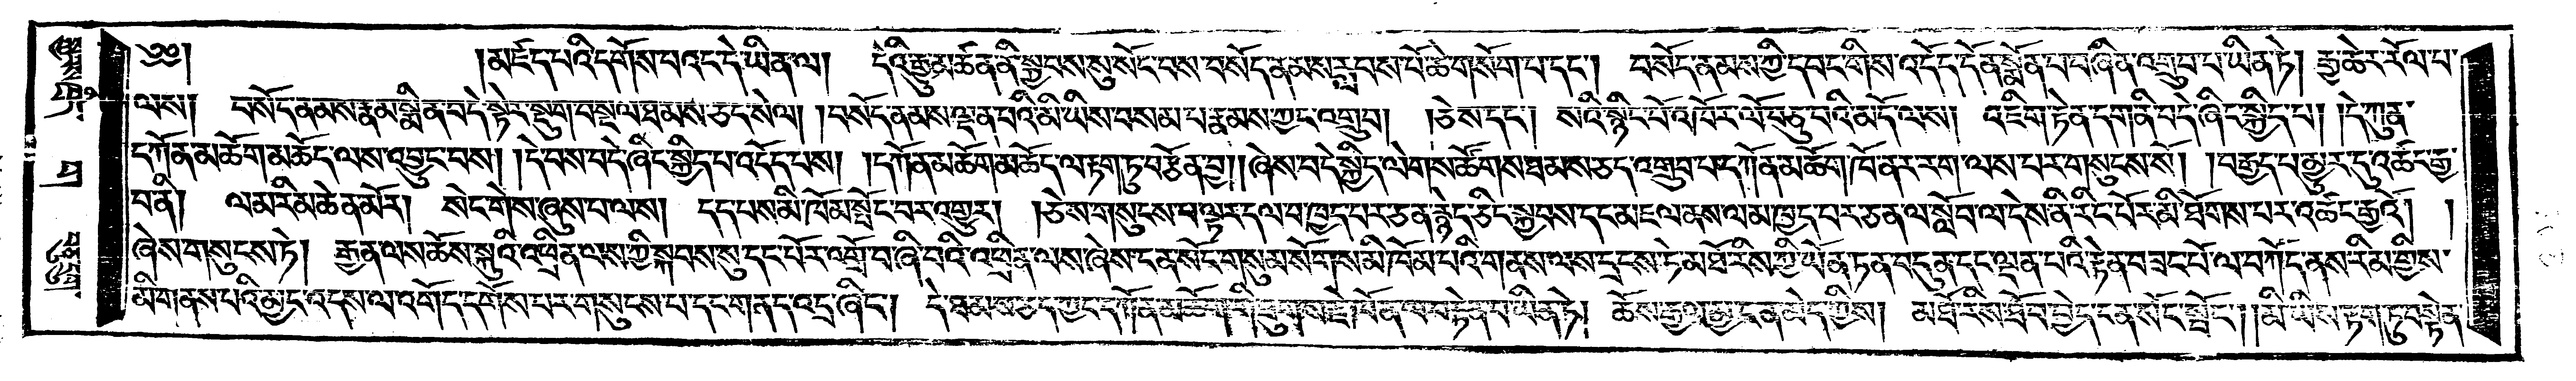༄༅། །མཛོད་པའི་དགོས་པའང་དེ་ཡིན་ལ། དེའི་རྒྱུ་མཚན་ནི་སྐྱབས་སུ་སོང་བས་བསོད་ནམས་རླབས་པོ་ཆེ་གསོག་པ་དང་། བསོད་ནམས་ཀྱི་དབང་གིས་འདོད་དོན་སྨོན་པ་བཞིན་འགྲུབ་པ་ཡིན་ཏེ། རྒྱ་ཆེར་རོལ་པ་
ལས། བསོད་ནམས་རྣམ་སྨིན་བདེ་སྟེར་སྡུག་བསྔལ་ཐམས་ཅད་སེལ༑ །བསོད་ནམས་ལྡན་པའི་མི་ཡིས་བསམ་པ་རྣམས་ཀྱང་འགྲུབ། །ཅེས་དང་། སའི་སྙིང་པོ་འཁོར་ལོ་བཅུ་བའི་མདོ་ལས། འཇིག་རྟེན་དག་ནི་བདེ་ཞིང་སྐྱིད་པ། །དེ་ཀུན་
དཀོན་མཆོག་མཆོད་ལས་འབྱུང་བས། །དེ་བས་བདེ་ཞིང་སྐྱིད་པ་འདོད་པས། །དཀོན་མཆོག་མཆོད་ལ་རྟག་ཏུ་བརྩོན་བྱ། །ཞེས་བདེ་སྐྱིད་ལེགས་ཚོགས་ཐམས་ཅད་འགྲུབ་པ་དཀོན་མཆོག་ཁོ་ནར་རག་ལས་པར་གསུངས་སོ། །བརྒྱད་པ་མྱུར་དུ་འཚང་རྒྱ་
བ་ནི། ལམ་རིམ་ཆེན་མོར། སེང་གེས་ཞུས་པ་ལས། དད་པས་མི་ཁོམ་སྤོང་བར་འགྱུར། །ཅེས་གསུངས་བ་ལྟར་དལ་བ་ཁྱད་པར་ཅན་རྙེད་ཅིང་སྐྱབས་དང་མཇལ་ནས་ལམ་ཁྱད་པར་ཅན་ལ་སློབ་ལ་དེས་ནི་རིང་པོར་མི་ཐོགས་པར་འཚང་རྒྱའོ། །
ཞེས་གསུངས་ཏེ། རྒྱན་ལས་ཆོས་སྐུའི་འཕྲིན་ལས་ཀྱི་སྐབས་སུ་དང་པོར་འགྲོ་བཞི་པའི་འཕྲིན་ལས་ཞེས་ངན་སོང་གསུམ་སོགས་མི་ཁོམ་པའི་གནས་ལས་དྲངས་ཏེ་མཐོ་རིས་ཀྱི་ཡོན་ཏན་བདུན་དང་ལྡན་པའི་རྟེན་བཟང་པོ་ལ་བཀོད་ནས་རིམ་གྱིས་
མི་གནས་པའི་མྱང་འདས་ལ་འགོད་དགོས་པར་གསུངས་པ་དང་གནད་འདྲ་ཞིང་། དེ་ཐམས་ཅད་ཀྱང་དཀོན་མཆོག་གི་ཐུགས་རྗེ་ཁོ་ན་ལ་བརྟེན་པ་ཡིན་ཏེ། ཆོས་རྒྱལ་མྱ་ངན་མེད་ཀྱིས། མཐོ་རིས་ཐོབ་བྱེད་ངན་སོང་སྤོང་། །མི་ཡིས་རྟག་ཏུ་བསྟེན་